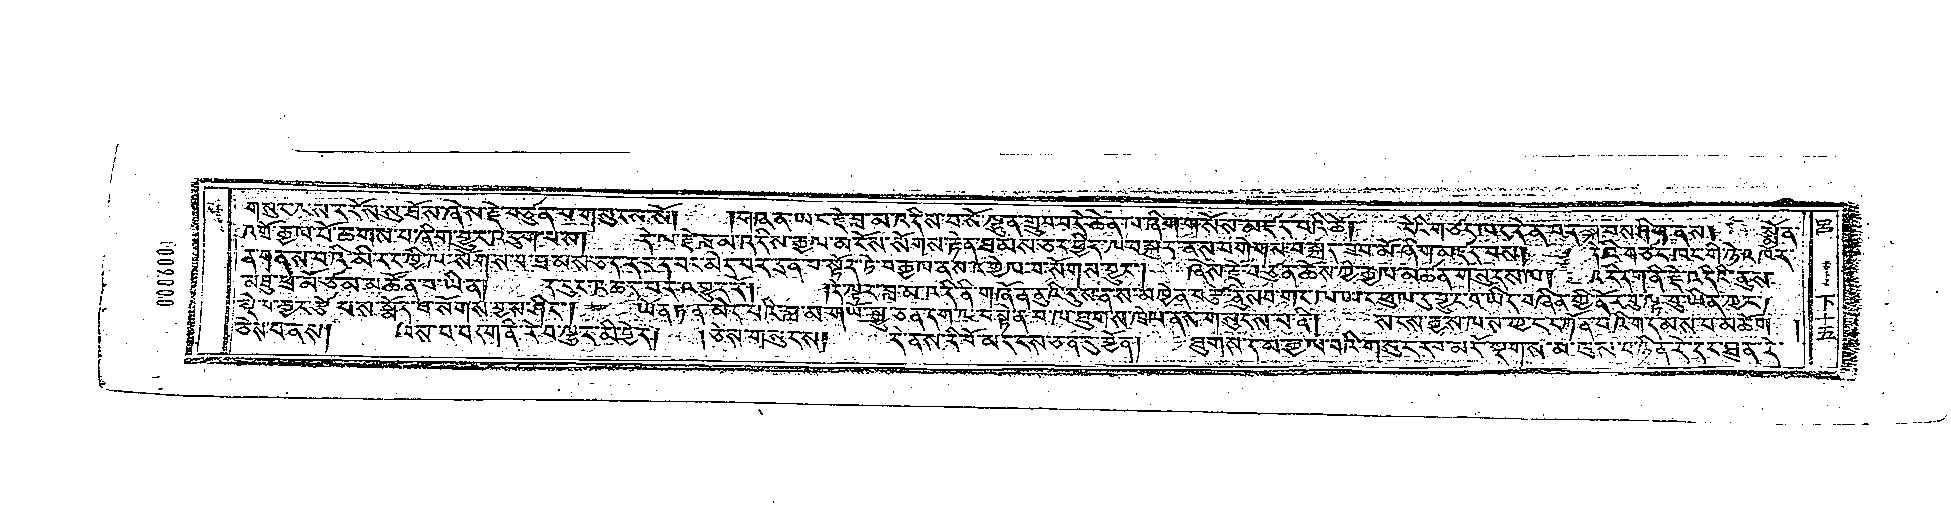གསུང་ལས་དངོས་སུ་ཐོས་ཞེས་རྗེ་བཙུན་པ་གསུངས་སོ། །གཞན་ཡང་རྗེ་བླ་མ་འདིས་པ་སོ་ལྷུན་གྲུབ་བདེ་ཆེན་ལ་ཞིག་གསོས་མཛད་པའི་ཚེ། དེའི་གཙང་ཁང་དེ་ན་བར་སྐབས་ཤིག་ནས། སྨོན་
འགྲོ་རྒྱལ་པོ་ཆགས་པ་ཞིག་བྱུང་འདུག་པས། དེ་ལ་རྗེ་བླ་མ་འདིས་རྒྱལ་མངོས་སོགས་རྟེན་ཐམས་ཅད་ཕྱིར་ལ་བསྐུར་ནས་བགེགས་བསྐྲད་ཟབ་མོ་ཞིག་མཛད་པས། དེའི་གཙང་ཁང་གི་ཉེ་འཁོར་
ན་གནས་པའི་མི་དང་ཁྱི་ལ་སོགས་པ་ཐམས་ཅད་རང་དབང་མེད་བར་དྲན་པས་སྟོར་ཏེ་བརྒྱལ་ནས་འགྱེལ་བ་སོགས་བྱུང་། ཞེས་རྗེ་བཙུན་ཆོས་ཀྱི་རྒྱལ་མཚན་གསུངས་ལ། འདི་དག་ནི་རྗེ་འདིའི་ནུས་
མཐུ་ཕྲ་མོ་ཙམ་མཚོན་པ་ཡིན། ད་དུང་འཆར་པར་འགྱུར་ཨོར། །དེ་ལྟར་བལ་ཨམ་འདི་ནི་གཞོན་ནུའི་དུས་ནས་མཁྱེན་བརྩེ་ནུས་བ་གང་ལ་ཡང་ཕུལ་དུ་བྱུང་བ་ཡིད་བཞིན་གྱི་ནོར་བུ་ལྟ་བུ་ཡིན་ཀྱང་།
སྡེ་པར་གྱང་རྩེ་པས་སྨོད་པ་སོགས་བྱས་ཤིང་། ཡོན་ཏན་མེད་པའི་བླ་མ་གཡོ་སྒྱུ་ཅན་དག་ལ་བསྟེན་པ་ལ་ཐུགས་ཁྲེལ་ནས་གསུངས་པ་ནི། སངས་རྒྱས་ལས་ཀྱང་དཀོན་པའི་གདམས་པ་མཆོག།
ཅེས་པ་ནས། ལས?་བ་བདག་ནི་རེ་བ་ལྷུར་མི་བྱེད། །ཅེས་གསུངས། དེ་ནས་རི་བོ་མདངས་ཅན་དུ་བྱོན། ཐུགས་དམ་རྒྱལ་བའི་གསུང་རབ་མདོ་སྔགས་མ་ལུས་པ་ཉིན་རེ་དང་ཐུན་རེ་